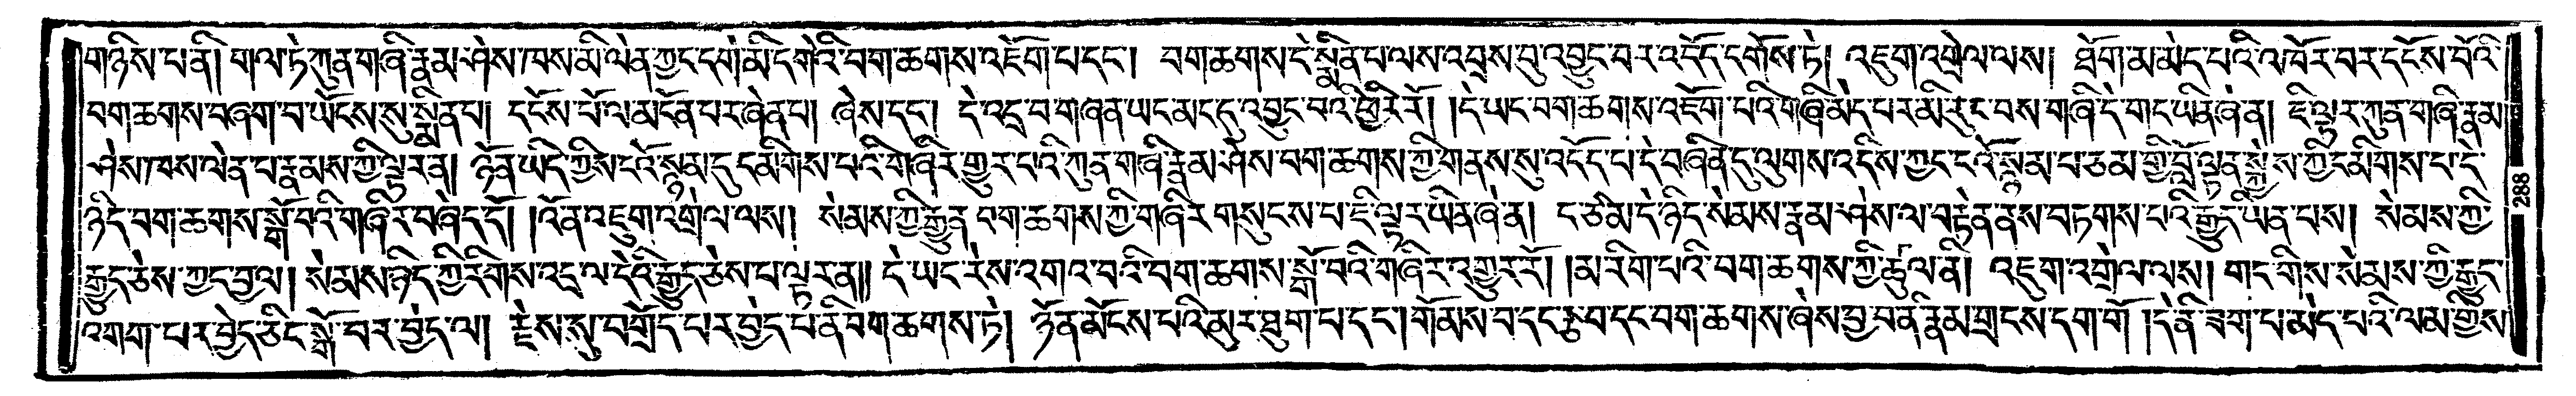གཉིས་པ་ནི། གལ་ཏེ་ཀུན་གཞི་རྣམ་ཤེས་ཁས་མི་ལེན་ཀྱང་དགེ་མི་དགེའི་བག་ཆགས་འཇོག་པ་དང་། བག་ཆགས་དེ་སྨིན་པ་ལས་འབྲས་བུ་འབྱུང་བར་འདོད་དགོས་ཏེ། འཇུག་འགྲེལ་ལས། ཐོག་མ་མེད་པའི་འཁོར་བར་དངོས་པོའི་
བག་ཆགས་བཞག་པ་ཡོངས་སུ་སྨིན་པ། དངོས་པོ་ལ་མངོན་པར་ཞེན་པ། ཞེས་དང་། དེ་འདྲ་བ་གཞན་ཡང་མང་དུ་འབྱུང་བའི་ཕྱིར་རོ། །དེ་ཡང་བག་ཆགས་འཇོག་པའི་གཞི་མེད་པར་མི་རུང་བས་གཞི་དེ་གང་ཡིན་ཞེ་ན། ཇི་ལྟར་ཀུན་གཞི་རྣམ་
ཤེས་ཁས་ལེན་པ་རྣམས་ཀྱི་ལྟར་ན། ཉོན་ཡིད་ཀྱིས་ངའོ་སྙམ་དུ་དམིགས་པའི་གཞིར་གྱུར་པའི་ཀུན་གཞི་རྣམ་ཤེས་བག་ཆགས་ཀྱི་གནས་སུ་འདོད་པ་དེ་བཞིན་དུ་ལུགས་འདིས་ཀྱང་ངའོ་སྙམ་པ་ཙམ་གྱི་བློ་ལྷན་སྐྱེས་ཀྱི་དམིགས་པ་དེ་
ཉིད་བག་ཆགས་སྒོ་བའི་གཞིར་བཞེད་དོ། །འོ་ན་འཇུག་འགྲེལ་ལས། སེམས་ཀྱི་རྒྱུན་བག་ཆགས་ཀྱི་གཞིར་གསུངས་པ་ཇི་ལྟར་ཡིན་ཞེ་ན། ང་ཙམ་དེ་ཉིད་སེམས་རྣམ་ཤེས་ལ་བརྟེན་ནས་བཏགས་པའི་རྒྱུད་ཡིན་པས། སེམས་ཀྱི་
རྒྱུད་ཅེས་ཀྱང་བྱ་ལ། སེམས་ཉིད་ཀྱི་རིགས་འདྲལ་དེའི་རྒྱུད་ཅེས་པ་ལྟར་ན། དེ་ཡང་རེས་འགའ་བའི་བག་ཆགས་སྒོ་བའི་གཞིར་འགྱུར་རོ། །མ་རིག་པའི་བག་ཆགས་ཀྱི་ཚུལ་ནི། འཇུག་འགྲེལ་ལས། གང་གིས་སེམས་ཀྱི་རྒྱུད་
འགག་པར་བྱེད་ཅིང་སྒོ་བར་བྱེད་ལ། རྗེས་སུ་བགྲོད་པར་བྱེད་པ་ནི་བག་ཆགས་ཏེ། ཉོན་མོངས་པའི་མུར་ཐུག་པ་དང་། གོམས་པ་དང་རྩ་བ་དང་བག་ཆགས་ཞེས་བྱ་བ་ནི་རྣམ་གྲངས་དག་གོ །དེ་ནི་ཟག་པ་མེད་པའི་ལམ་གྱིས་